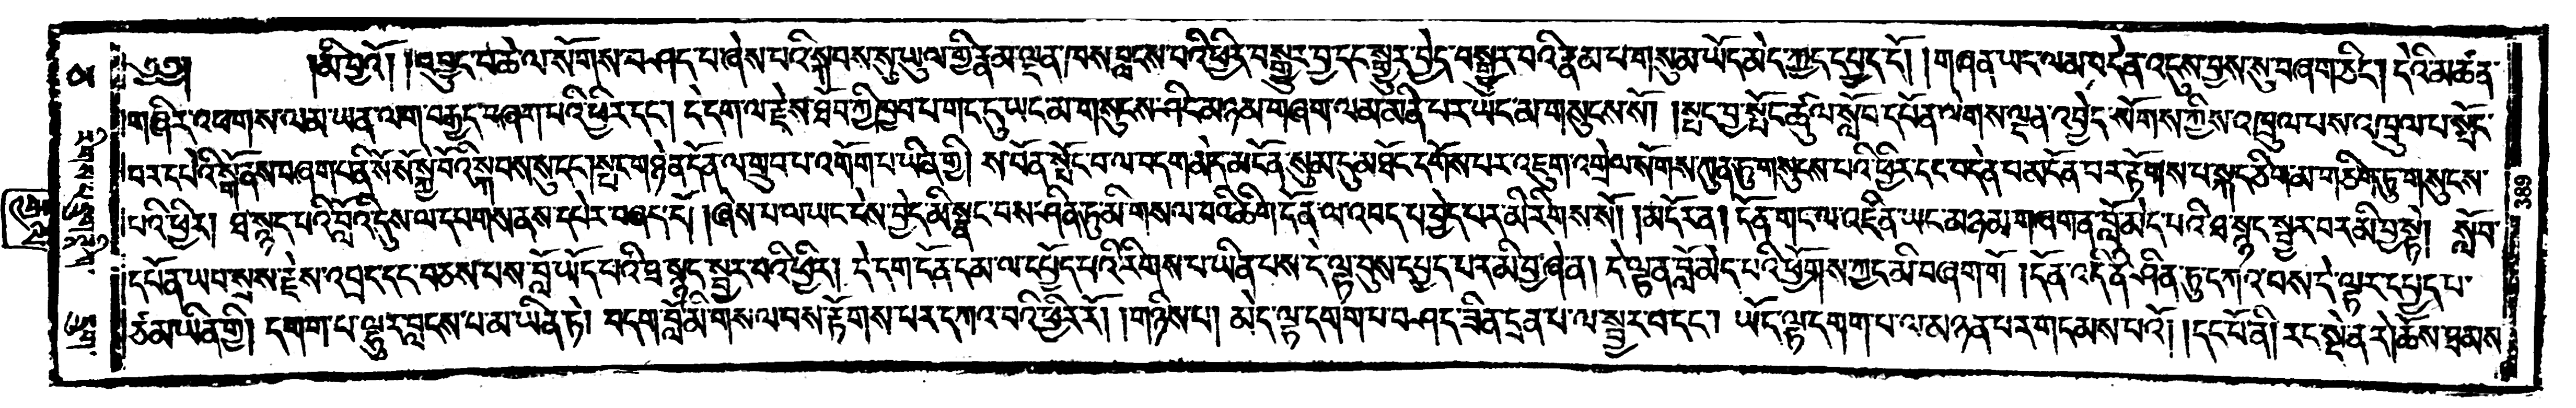༄༅། །མི་བྱའོ། །འབྱུང་བ་ཆེ་ལ་སོགས་བཤད་པ་ཞེས་པའི་སྐབས་སུ་ཡུལ་གྱི་རྣམ་ལྡན་ཁས་བླངས་པའི་ཕྱིར་བསྒྱུར་བྱ་དང་སྒྱུར་བྱེད་བསྒྱུར་བའི་རྣམ་པ་གསུམ་ཡོད་མེད་ཀྱང་དཔྱད་དོ། །གཞན་ཡང་ལམ་བདེན་འདུས་བྱས་སུ་བཞག་ཅིང་། དེའི་མཚན་
གཞིར་འཕགས་ལམ་ཡན་ལག་བརྒྱད་བཞག་པའི་ཕྱིར་དང་། དེ་དག་ལ་རྗེས་ཐོབ་ཀྱི་ཁྱབ་པ་གང་དུ་ཡང་མ་གསུངས་ཤིང་མཉམ་གཞག་ལམ་མིན་པར་ཡང་མ་གསུངས་སོ། །སྤང་བྱ་སྤོང་ཚུལ་སློབ་དཔོན་ལེགས་ལྡན་འབྱེད་སོགས་ཀྱིས་འཁྲུལ་པས་འཁྲུལ་པ་སྤོང་
བར་དཔེའི་སྒོ་ནས་བཞག་པ་ནི་སོ་སོ་སྐྱེ་བོའི་སྐབས་སུ་དང་། སྤང་གཉེན་དོན་ལ་གྲུབ་པ་འགོག་པ་ཡིན་གྱི། ས་བོན་སྤོང་བ་ལ་བདག་མེད་མངོན་སུམ་དུ་མཐོང་དགོས་པར་འཇུག་འགྲེལ་སོགས་ཀུན་ཏུ་གསུངས་པའི་ཕྱིར་དང་བདེན་པ་མངོན་པར་རྟོགས་པ་སྐད་ཅིག་མ་གཅིག་ཏུ་གསུངས་
པའི་ཕྱིར། ཐ་སྙད་པའི་བློའི་དུས་ལ་དཔགས་ནས་དཔེར་བཞད་དོ། །ཞེས་པ་ལ་ཡང་ངེས་བྱེད་མི་སྣང་བས་ཤིན་ཏུ་མི་གསལ་བའི་ཚིག་དོན་ལ་འབད་པ་བྱེད་པར་མི་རིགས་སོ། །མདོར་ན། དོན་གང་ལ་འཛིན་ཡང་མཉམ་གཞག་ན་བློ་མེད་པའི་ཐ་སྙད་སྦྱར་བར་མི་བྱ་སྟེ། སློབ་
དཔོན་ཡབ་སྲས་རྗེས་འབྲང་དང་བཅས་པས་བློ་ཡོད་པའི་ཐ་སྙད་སྦྱར་བའི་ཕྱིར། དེ་དག་དོན་དམ་ལ་དཔྱོད་པའི་རིགས་པ་ཡིན་པས་དེ་ལྟ་བུས་དཔྱད་པར་མི་བྱ་ཞེ་ན། དེ་ལྟ་ན་བློ་མེད་པའི་ཕྱོགས་ཀྱང་མི་བཞག་གོ །དོན་འདི་ནི་ཤིན་ཏུ་དཀའ་བས་དེ་ལྟར་དཔྱད་པ་
ཙམ་ཡིན་གྱི། དགག་པ་ལྷུར་བླངས་པ་མ་ཡིན་ཏེ། བདག་བློ་མི་གསལ་བས་རྟོགས་པར་དཀའ་བའི་ཕྱིར་རོ། །གཉིས་པ། མེད་ལྟ་དགག་པ་བཤད་ཟིན་དྲན་པ་ལ་སྦྱར་བ་དང་། ཡོད་ལྟ་དགག་པ་ལ་མཉན་པར་གདམས་པའོ། །དང་པོ་ནི། རང་སྡེ་ན་རེ། ཆོས་ཐམས་